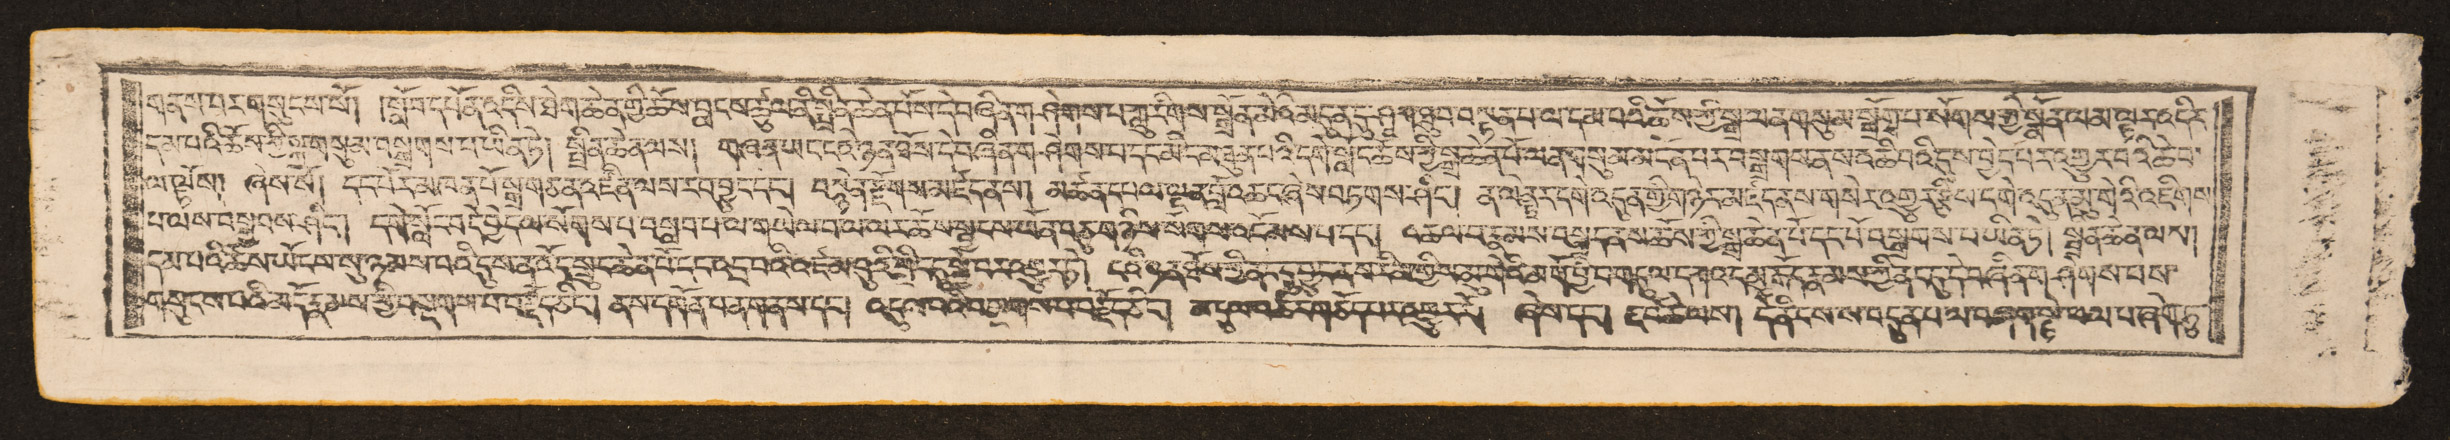གནས་པར་གསུངས་སོ། །སློབ་དཔོན་འདིས་ཐེག་ཆེན་གྱི་ཆོས་བླངས་ཚུལ་ནི་སྤྲིན་ཆེན་པོས་དེ་བཞིན་གཤེགས་བ་ཀླུ་རིགས་སྒྲོན་མེའི་མདུན་དུ་ཤཱཀ་ཐུབ་བསྟན་བ་ལ་དམ་བའི་ཆོས་ཀྱི་སྒྲལ་ན་གསུམ་སྒྲོགས་པ་སོགས་ཀྱི་སྨོན་ལམ་ལྟར་འདིར་
དམ་བའི་ཆོས་ཀྱི་སྒོ་གསུམ་བསྒྲགས་བ་ཡིན་ཏེ། སྤྲིན་ཆེན་ལས། གཞན་ཡང་དེའི་ཉན་ཐོས་དེ་བཞིན་གཤེགས་པ་དང་མིང་མཐུན་པའི་དགེ་སློང་ཆོས་ཀྱི་སྒྲ་ཆེན་པོ་ལན་གསུམ་མངོན་བར་བསྒྲགས་ནས་འཆི་བའི་དུས་བྱེད་པར་འགྱུར་བའི་ཆེ་བ་
ལ་ལྟོས། ཞེས་སོ། དང་པོར་མཁན་པོ་སྒྲག་ཅན་འཛིན་ལས་རབ་བྱུང་དང་། བསྙེན་རྫོགས་མཛད་ནས། མཚན་དཔལ་ལྡན་བློ་འཆད་ཞེས་བཏགས་ཤིང་། ན་ལེནྡྲར་?་དགེ་འདུན་གྱི་གཉེར་མཛད་ནས་གསེར་འགྱུར་རྩིས་དགེ་འདུན་མུ་གེའི་འཇིགས་
པ་ལས་བསྐྱབས་ཤིང་། དགེ་སློང་བདེ་བྱེད་ལ་སོགས་པ་བསླབ་པ་ལ་གཡེལ་བ་ལ་ལར་ཆོས་སྦྱངས་ཡོན་བཅུ་གཉིས་སོགས་འདོམས་པ་དང་། འཆལ་བ་རྣམས་བསྐད་ནས་ཆོས་ཀྱི་སྒྲ་ཆེན་པོ་དང་པོ་བསྒྲགས་པ་ཡིན་ཏེ་།སྤྲིན་ཆེན་ལས།
དམ་པའི་ཆོས་ཡོངས་སུ་ཉམས་པའི་དུས་ན་འོད་སྲུང་ཆེན་པོ་དང་འདྲ་བའི་འཛམ་བུའི་གླིང་དུ་སྐྱེ་བར་འགྱུར་ཏེ། ངའི་ཉན་ཐོས་ཀྱི་ནང་དུ་བྱུང་ནས་རིམ་གྱིས་མུ་གེའི་མགོ་བྱི་བ་གདུལ་དཀའ་དམུ་རྒོད་རྣམས་ཀྱི་ནང་དུ་དེ་བཞིན་གཤེགས་པས་
གསུངས་པའི་མདོ་རྣམས་ཀྱི་བསྔགས་པ་བརྗོད་ཅིང་། ནས་དགོན་པན་གནས་དང་། འདུལ་བའི་བསྔགས་པ་བརྗོད་ཅིང་། མདུལ་བ་ཚར་གཅོད་པར་འགྱུར་རོ། ཞེས་དང་། རྔ་བོ་ཆེ་ལས། དེ་ནི་ངས་ས་བདུན་པ་ལ་བཞག་སྟེ་ཕལ་བ་ཞིག་ཏུ་